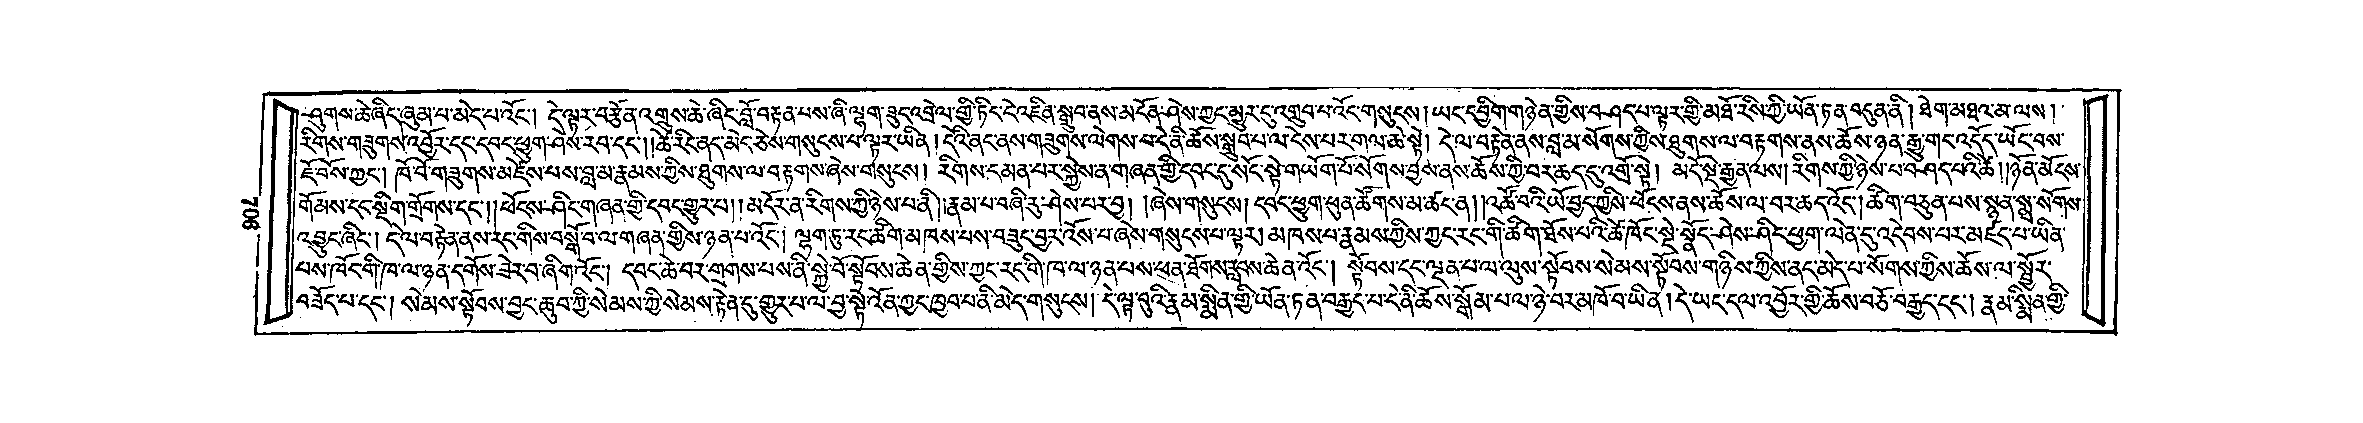ཤུགས་ཆེ་ཞིང་ཞུམ་པ་མེད་པ་འོང་། དེ་ལྟར་བརྩོན་འགྲུས་ཆེ་ཞིང་བློ་བརྟན་པས་ཞི་ལྷག་ཟུང་འབྲེལ་གྱི་ཏིང་ངེ་འཛིན་སྒྲུབ་ནས་མངོན་ཤེས་ཀྱང་མྱུར་དུ་འགྲུབ་པ་འོང་གསུངས། ཡང་དབྱིག་གཉེན་གྱིས་བཤད་པ་ལྟར་གྱི་མཐོ་རིས་ཀྱི་ཡོན་ཏན་བདུན་ནི། ཐེག་མཐའ་མ་ལས།
རིགས་གཟུགས་འབྱོར་དང་དབང་ཕྱུག་ཤེས་རབ་དང་། །ཚེ་རིང་ནད་མེད་ཅེས་གསུངས་པ་ལྟར་ཡིན། དེའི་ནང་ནས་གཟུགས་ལེགས་པ་དེ་ནི་ཆོས་སྒྲུབ་པ་ལ་ངེས་པར་གལ་ཆེ་སྟེ། དེ་ལ་བརྟེན་ནས་བླ་མ་སོགས་ཀྱིས་ཐུགས་ལ་བརྟགས་ནས་ཆོས་ཉན་རྒྱུ་གང་འདོད་ཡོང་བས་
ཇོ་བོས་ཀྱང་། ཁོ་བོ་གཟུགས་མཛེས་པས་བླ་མ་རྣམས་ཀྱིས་ཐུགས་ལ་བརྟགས་ཞེས་གསུངས། རིགས་དམན་པར་སྐྱེས་ན་གཞན་གྱི་དབང་དུ་སོང་སྟེ་གཡོག་པོ་སོགས་བྱས་ནས་ཆོས་ཀྱི་བར་ཆད་དུ་འགྲོ་སྟེ། མདོ་སྡེ་རྒྱན་ལས། རིགས་ཀྱི་ཉེས་པ་བཤད་པའི་ཚེ། །ཉོན་མོངས་
གོམས་དང་སྡིག་གྲོགས་དང་། །ཕོངས་ཤིང་གཞན་གྱི་དབང་གྱུར་པ། །མདོར་ན་རིགས་ཀྱི་ཉེས་པ་ནི། །རྣམ་པ་བཞི་རུ་ཤེས་པར་བྱ། །ཞེས་གསུངས། དབང་ཕྱུག་ཕུན་ཚོགས་མ་ཚང་ན། །འཚོ་བའི་ཡོ་བྱད་ཀྱིས་ཕོངས་ནས་ཆོས་ལ་བར་ཆད་འོང་། ཚིག་བཅུན་པས་སྙན་སྨྲ་སོགས་
འབྱུང་ཞིང་། དེ་ལ་བརྟེན་ནས་རང་གིས་བསྒོ་བ་ལ་གཞན་གྱིས་ཉན་པ་འོང་། ལྷག་ཏུ་རང་ཚིག་མཁས་པས་བཟུང་བྱར་འོས་པ་ཞེས་གསུངས་པ་ལྟར། མཁས་པ་རྣམས་ཀྱིས་ཀྱང་རང་གི་ཚིག་ཐོས་པའི་ཚེ་ཁོང་སྡེ་སྣོད་ཤེས་ཤིང་ཕྱག་ལེན་དུ་འདེབས་པར་མཛད་པ་ཡིན་
པས་ཁོང་གི་ཁ་ལ་ཉན་དགོས་ཟེར་བ་ཞིག་འོང་། དབང་ཆེ་བར་གྲགས་པས་ནི་སྐྱེ་བོ་སྟོབས་ཆེན་གྱིས་ཀྱང་རང་གི་ཁ་ལ་ཉན་པས་ཕན་ཐོགས་རླབས་ཆེན་འོང་། སྟོབས་དང་ལྡན་པ་ལ་ལུས་སྟོབས་སེམས་སྟོབས་གཉིས་ཀྱིས་ནད་མེད་པ་སོགས་ཀྱིས་ཆོས་ལ་སྦྱོར་
བཟོད་པ་དང་། སེམས་སྟོབས་བྱང་ཆུབ་ཀྱི་སེམས་ཀྱི་སེམས་རྟེན་དུ་གྱུར་པ་ལ་བྱ་སྟེ་འོན་ཀྱང་ཁྱབ་པ་ནི་མེད་གསུངས། དེ་ལྟ་བུའི་རྣམ་སྨིན་གྱི་ཡོན་ཏན་བརྒྱད་པ་དེ་ནི་ཆོས་སྒོམ་པ་ལ་ཉེ་བར་མཁོ་བ་ཡིན། དེ་ཡང་དལ་འབྱོར་གྱི་ཆོས་བཅོ་བརྒྱད་དང་། རྣམ་སྨིན་གྱི་